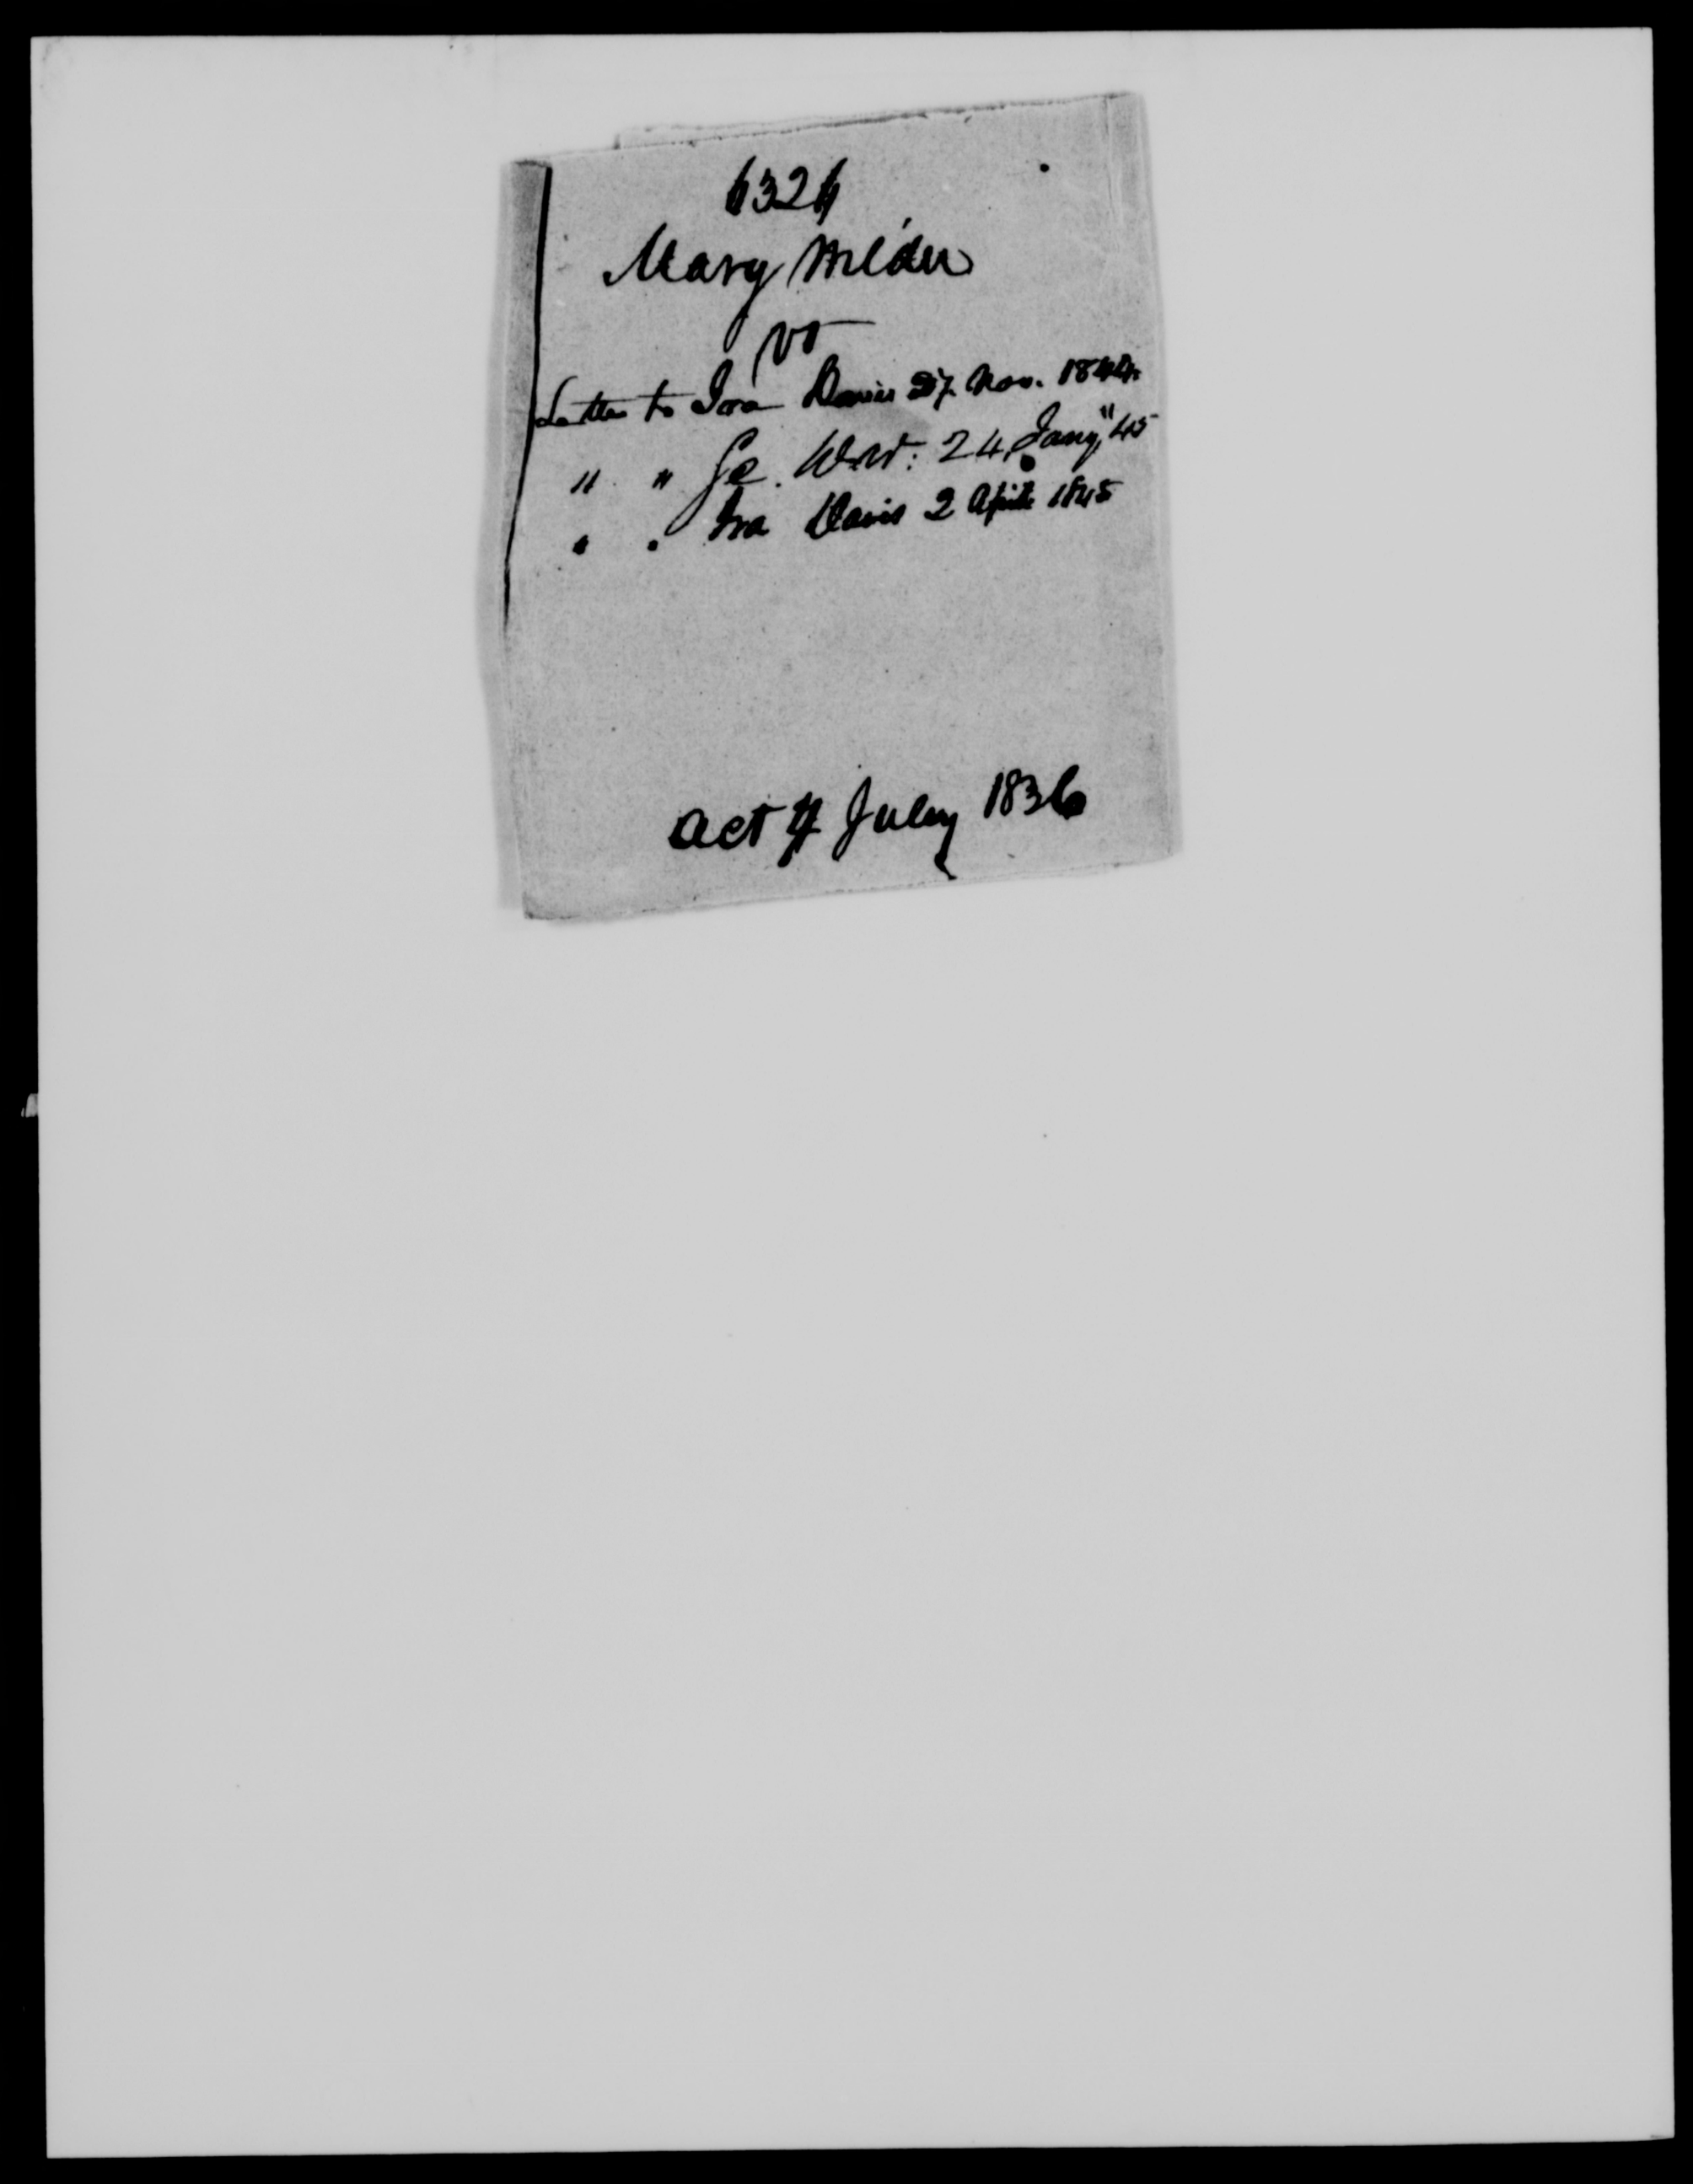6326
Mary Wilder
VT
Letter to Ira Davis 27 Nov. 1844
“ “ Se. WM: 24 Many “45
“ “ Ira Davis 2 April 1845


ACT 4 July 1836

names: Ira Davis, Mary Wilder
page: 17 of 40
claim: widow's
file: W. 18,426, Abel Wilder, Mass. N.H. Vt.